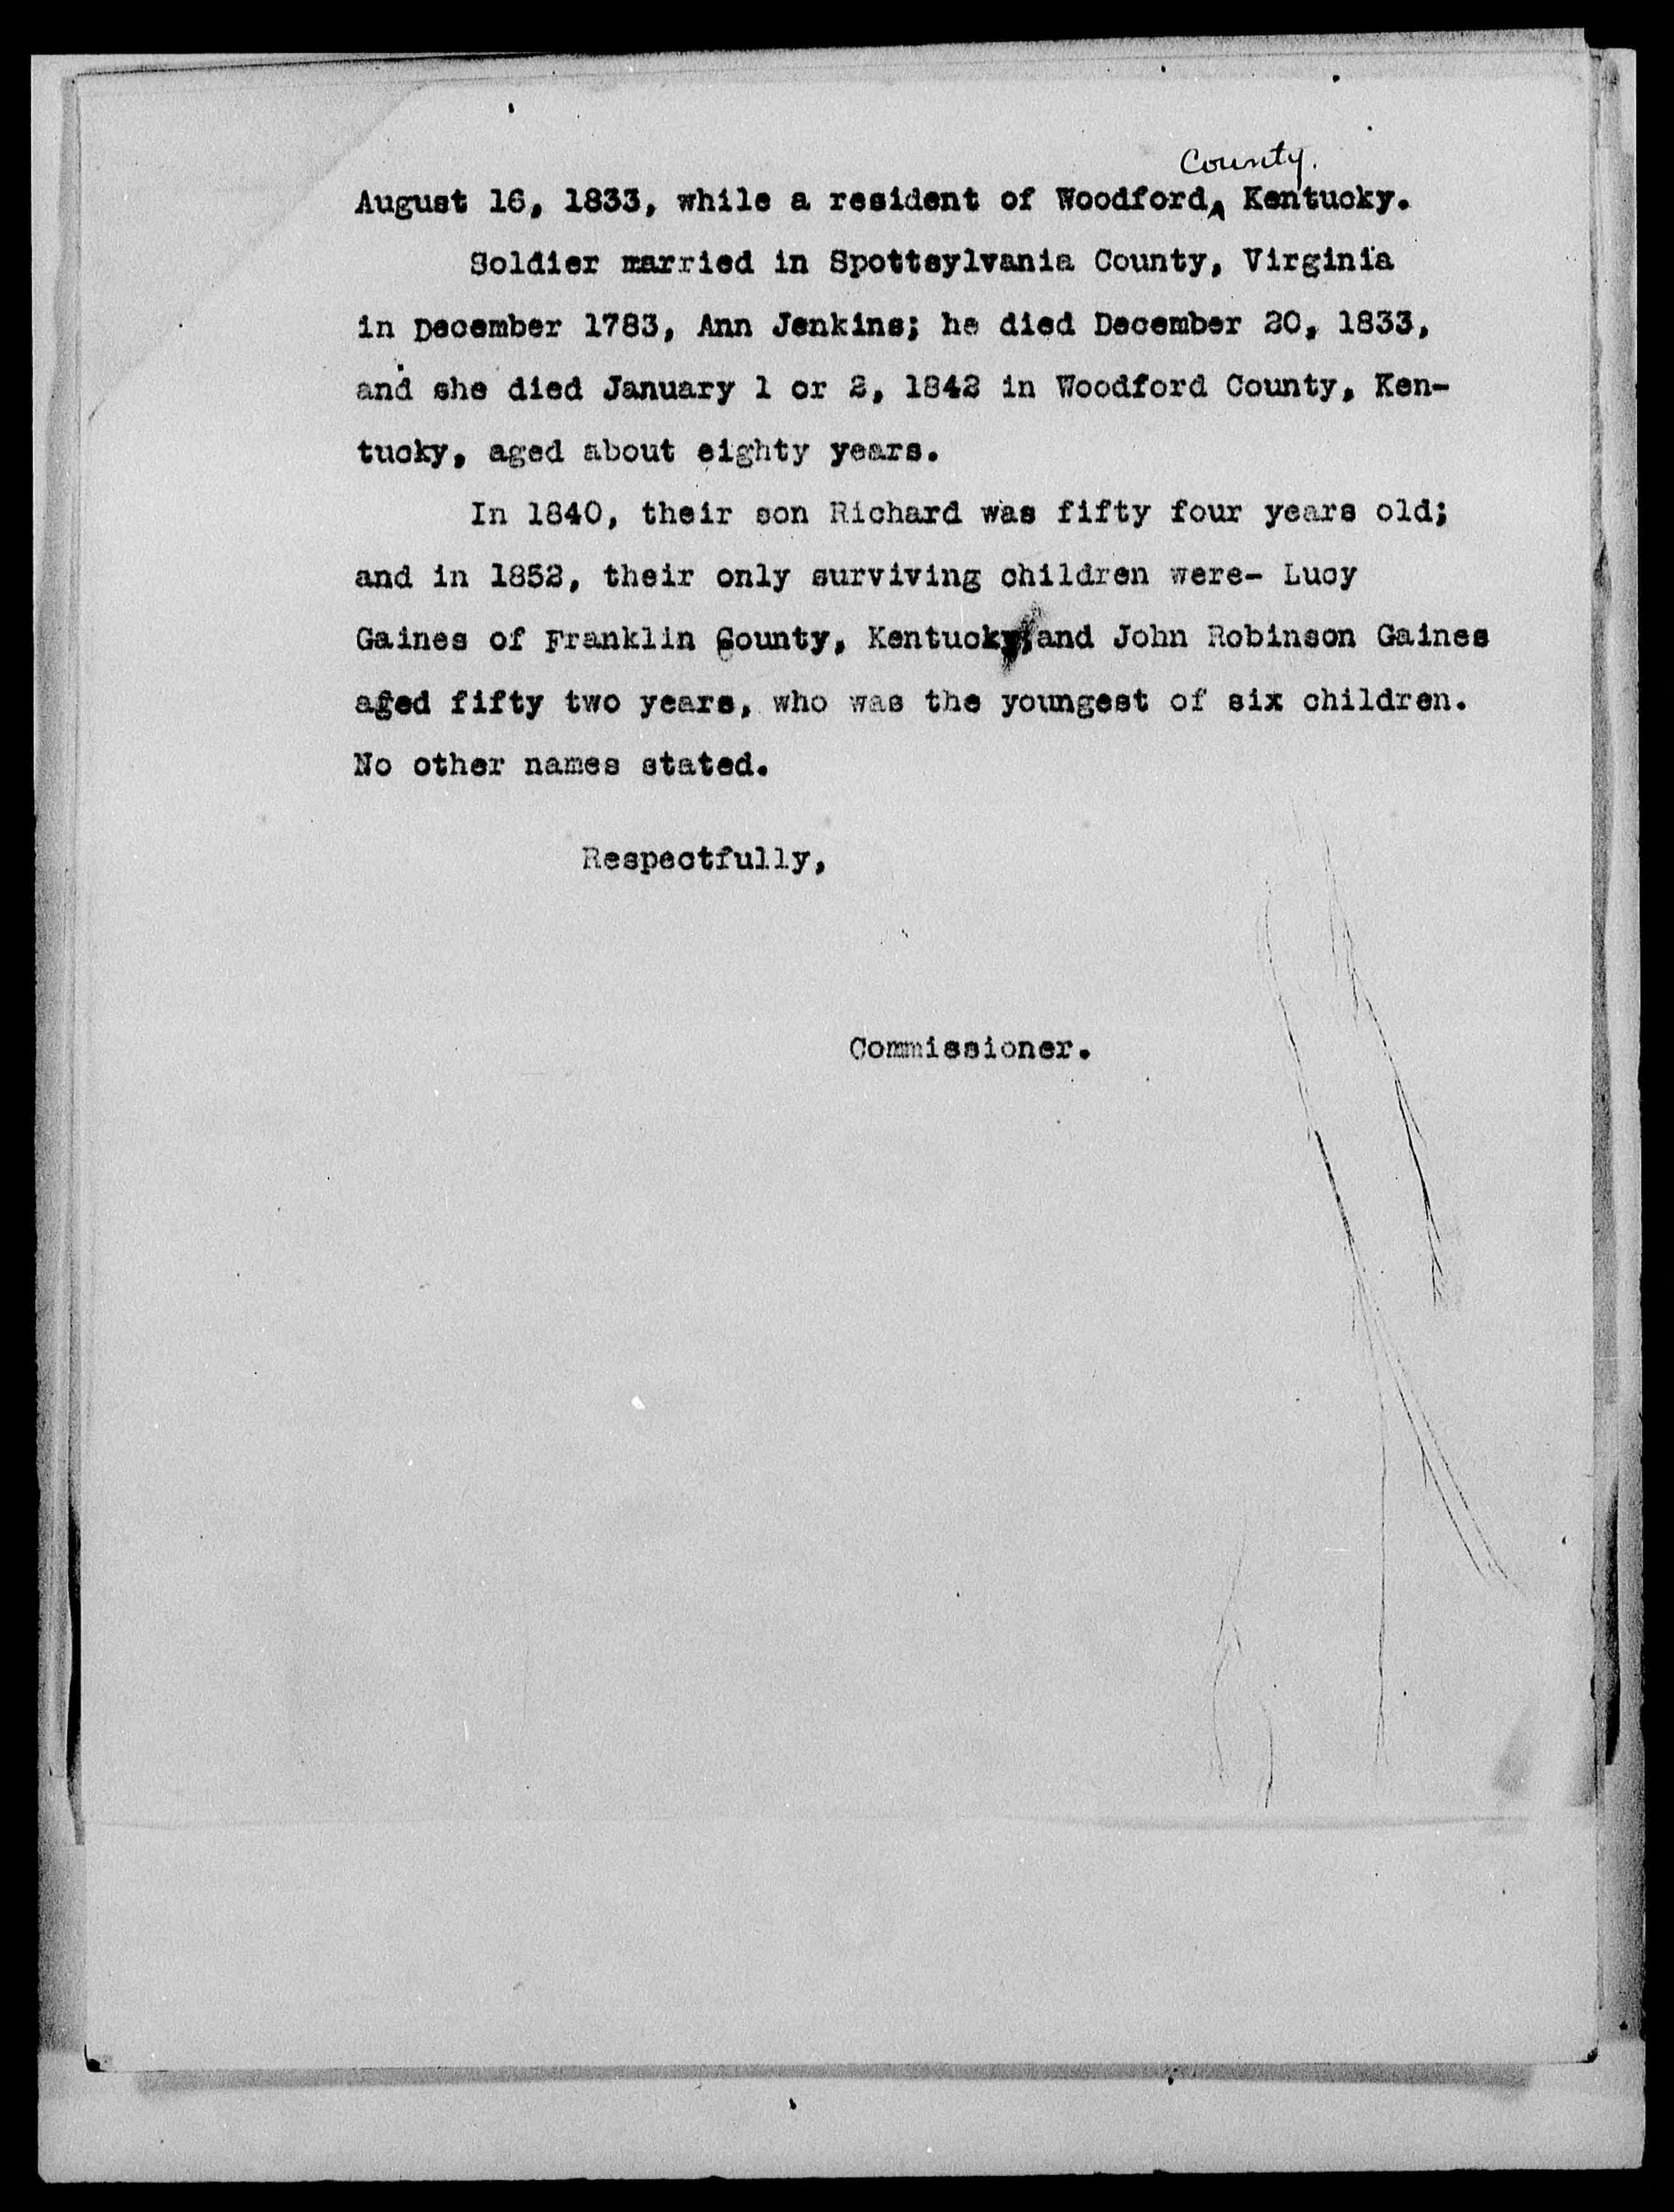County,
August 16, 1833, while a resident of Woodford County, Kentucky.
Soldier married in Spottsylvania County, Virginia
in December 1783, Ann Jenkins; he died December 20, 1833,
and she died January 1 or 2, 1842 in Woodford County, Kentucky, aged about eighty years.
In 1840, their son Richard was fifty four years old;
and in 1852, their only surviving children were- Lucy
Gaines of Franklin County, Kentucky and John Robinson Gaines
aged fifty two years, who was the youngest of six children.
No other names stated.
Respectfully,
Commissioner.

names: Lucy Gaines, Ann Jenkins, John Robinson Gaines, Richard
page: 34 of 79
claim: rejected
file: R. 3863, Robert Gaines, Va.